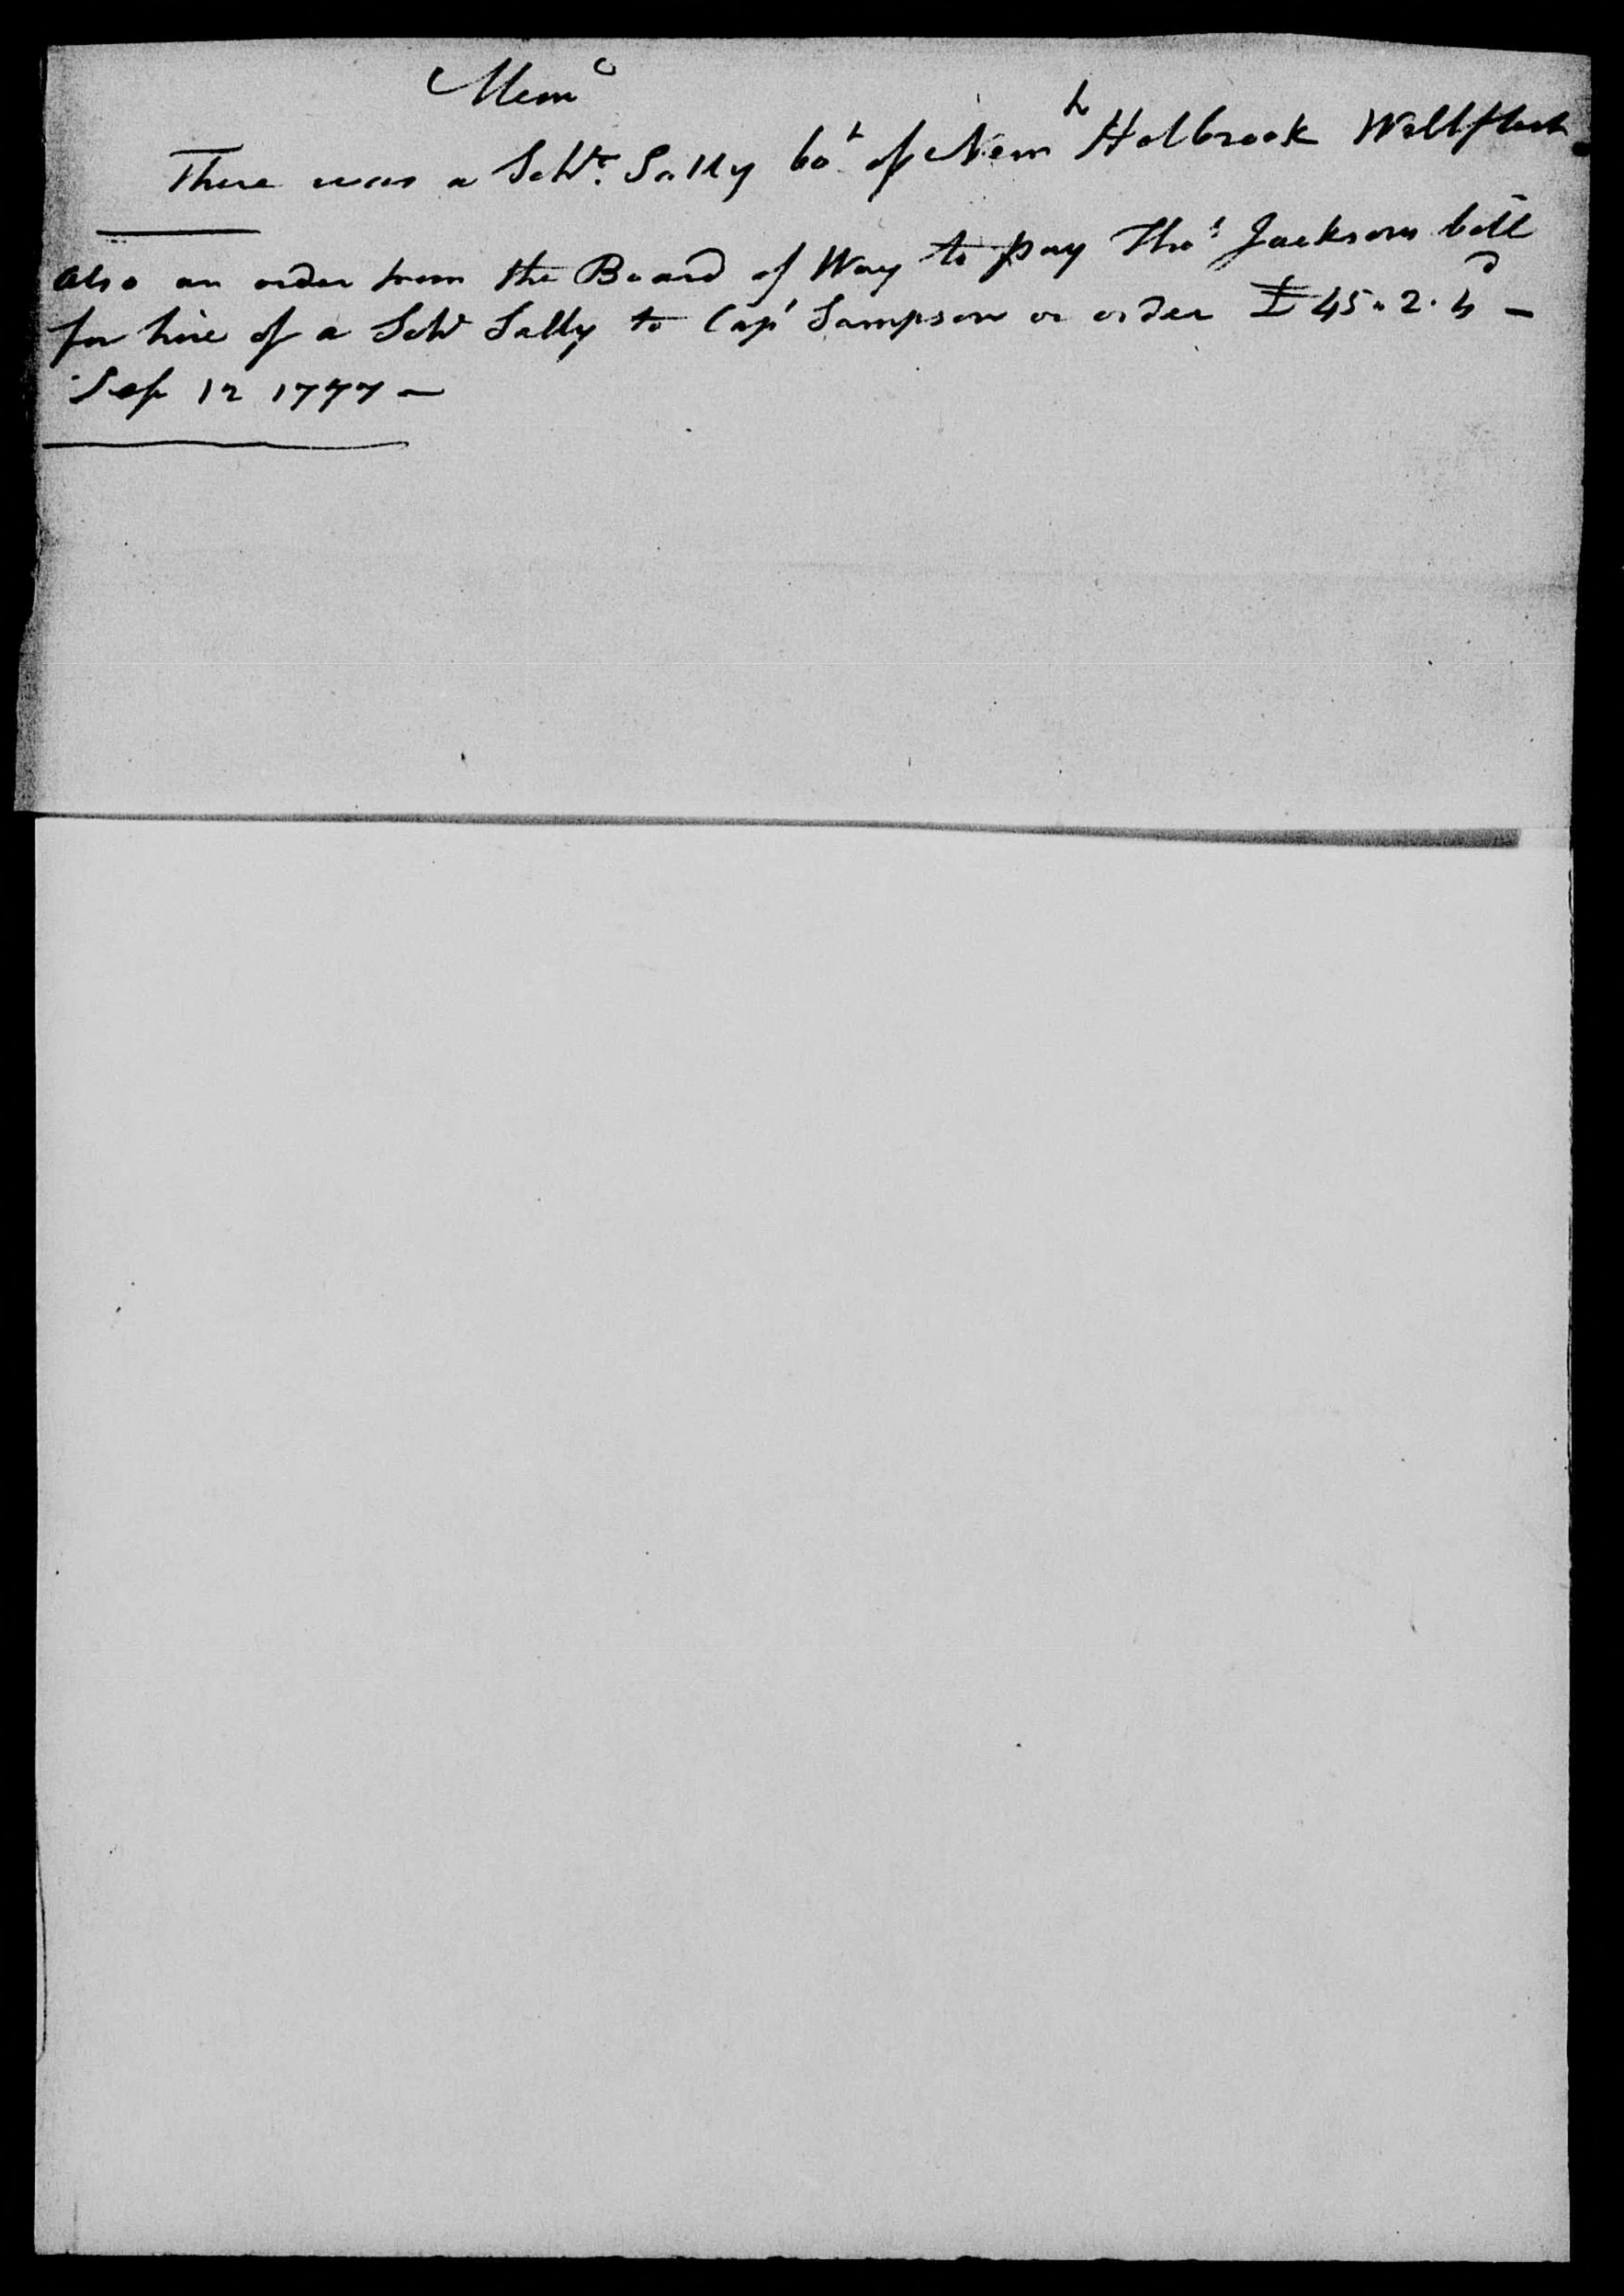Mem 
there was a Sett Sally bo't of New Holbrook Wellfleet
----
 also an order from the Board of Way to pay the Jackson all hire of a Sett Sally to Capt Sampson or order 2452 Sep 12 1777-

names: Thos Jackson, Sampson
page: 18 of 43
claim: survivor's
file: S. 29,732, John Collins, Mass. Navy